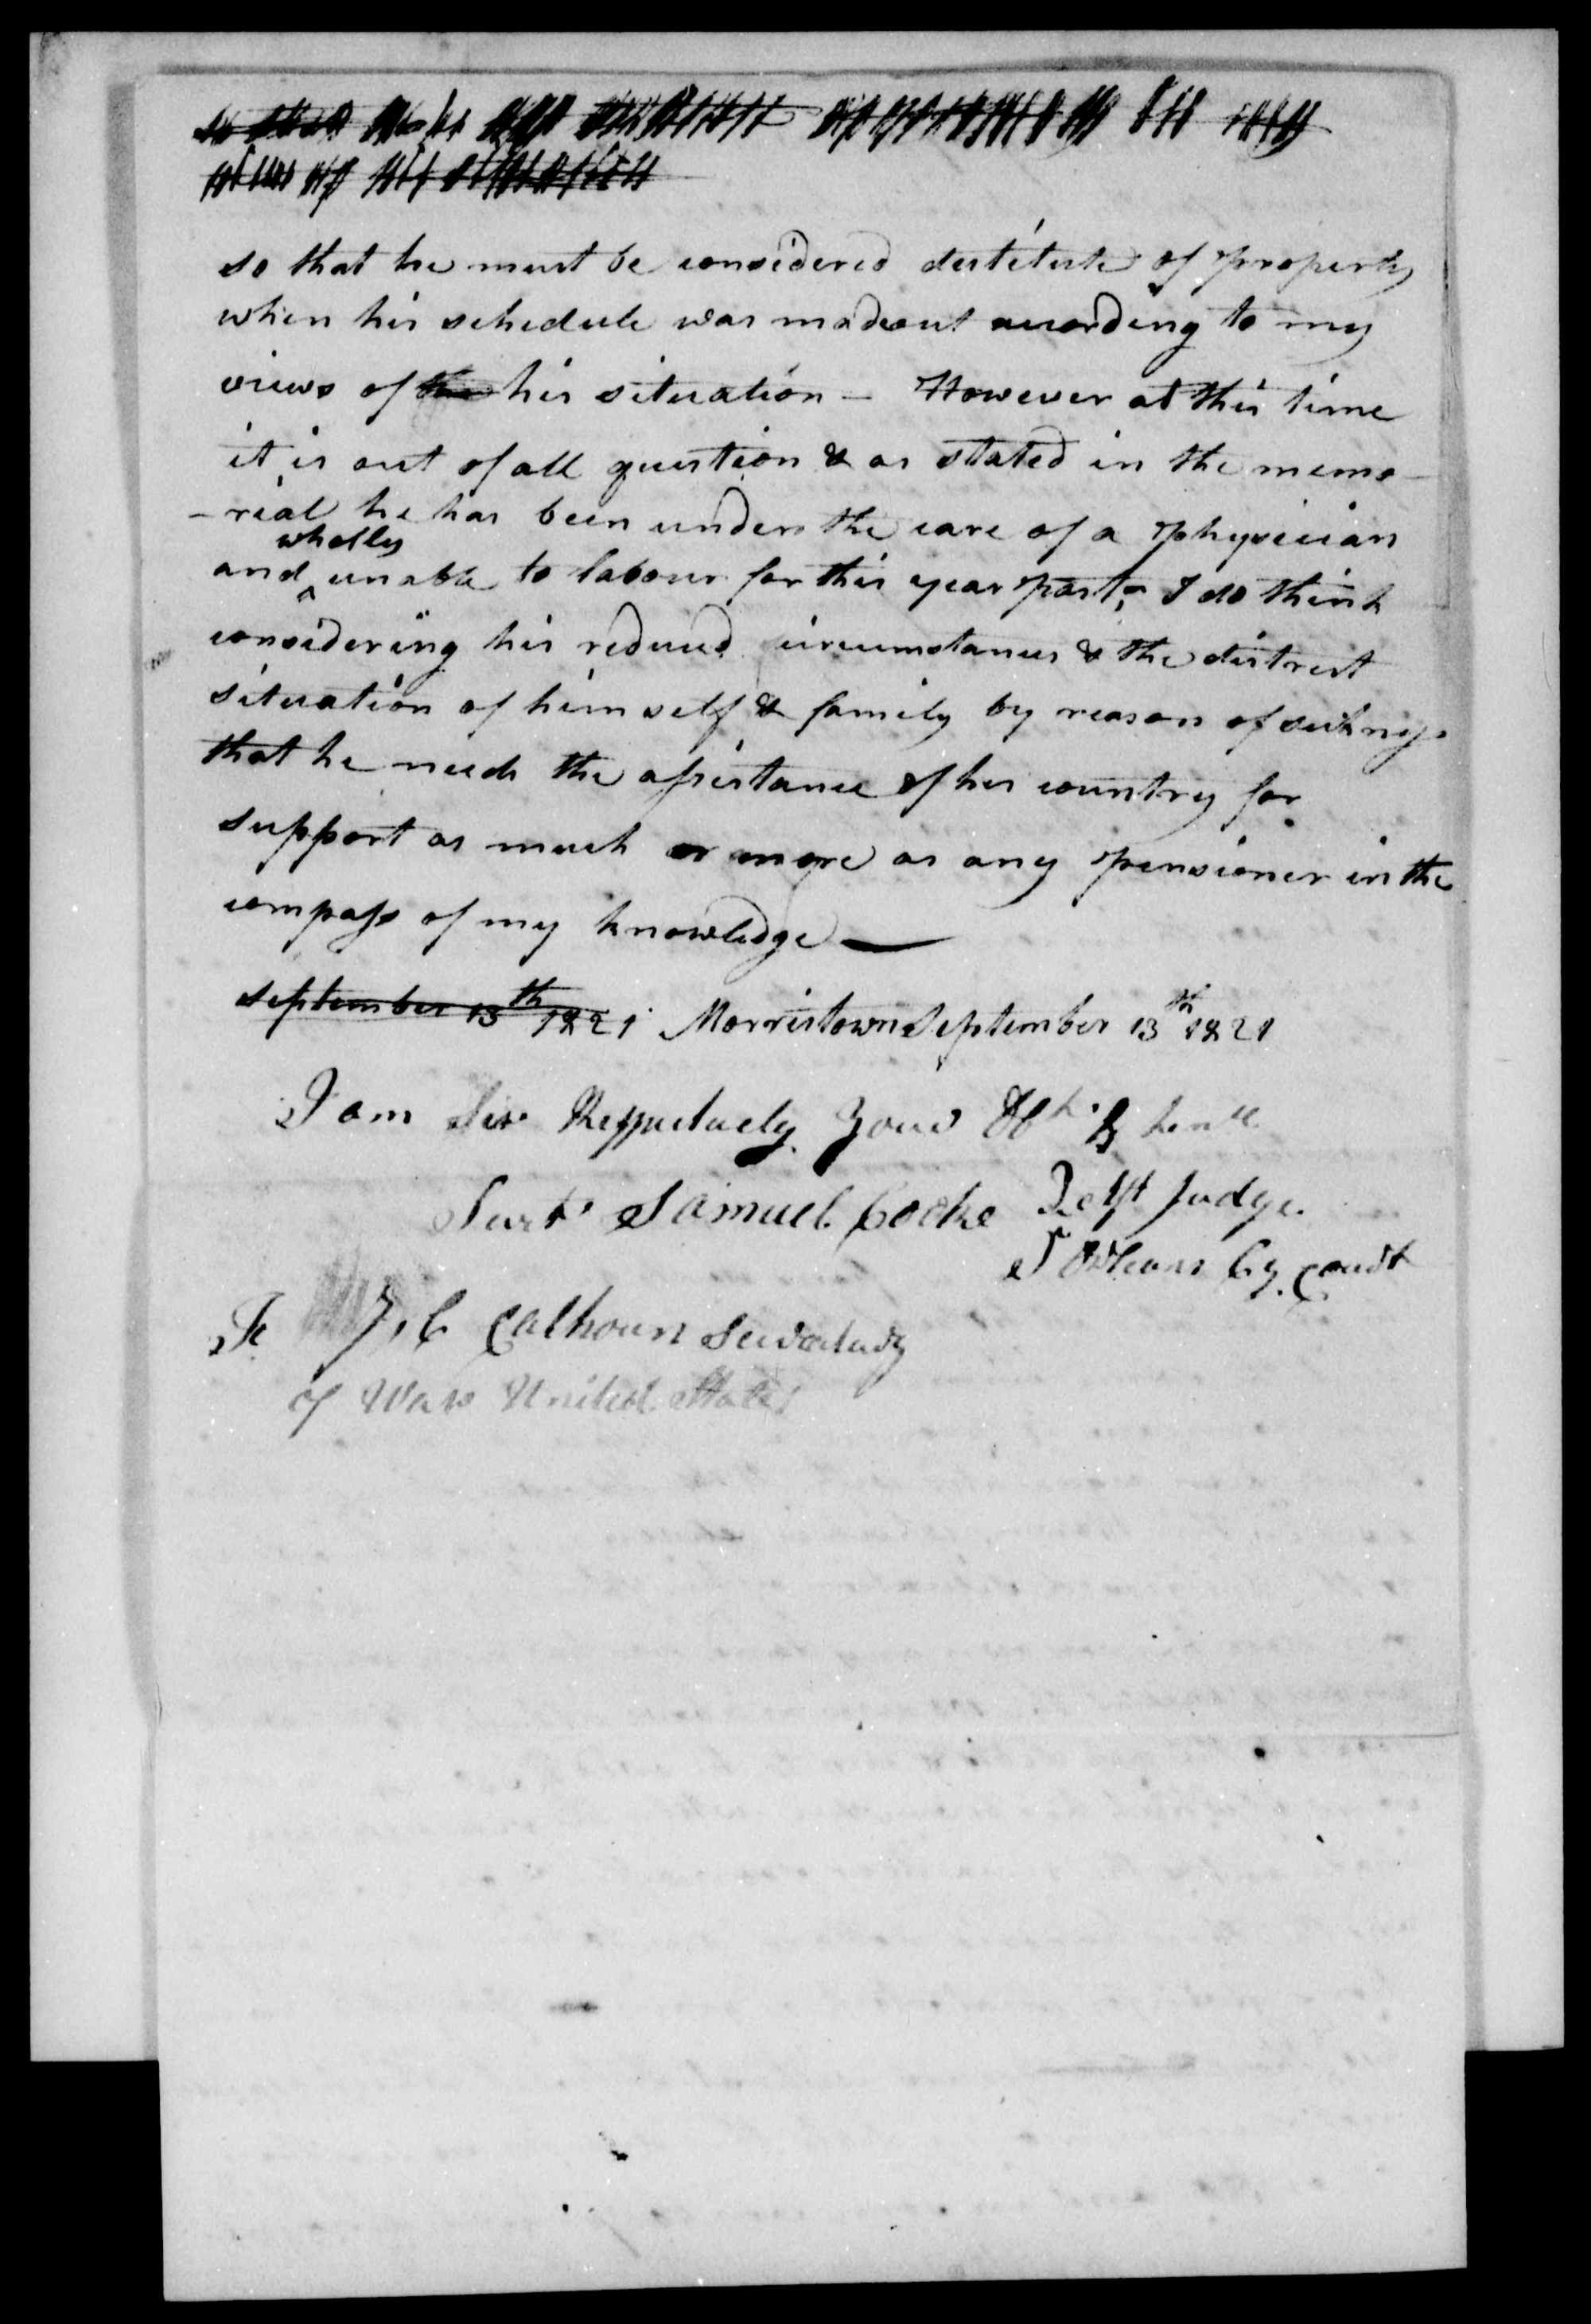[Two lines crossed out at top]
so that he must be considered destitute of property when his schedule was made out according to my views of [word crossed out] his situation - However at this time
it is out of all question & as stated in the memorial has been under the care of a physician and ^ wholly unable to labour for this year past, - I do think considering his reduced circumstances & the distrest
situation of himself & family by reason of [_ing]? that he need the assistance of his country for support as much or more as any pensioner in the compass of my knowledge-
Morristown September 13th 1821
I am Sir Respectfully your [illegible acronyms]
[illegible] Samuel C Cooke [illegible] Judge
Orleans Cy. Court
To  J. C. Calhoun Secretary
of War United States
---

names: J C Calhoun, Samuel Cooke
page: 69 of 87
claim: widow's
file: W. 25,966, Moses Weld, Mass.